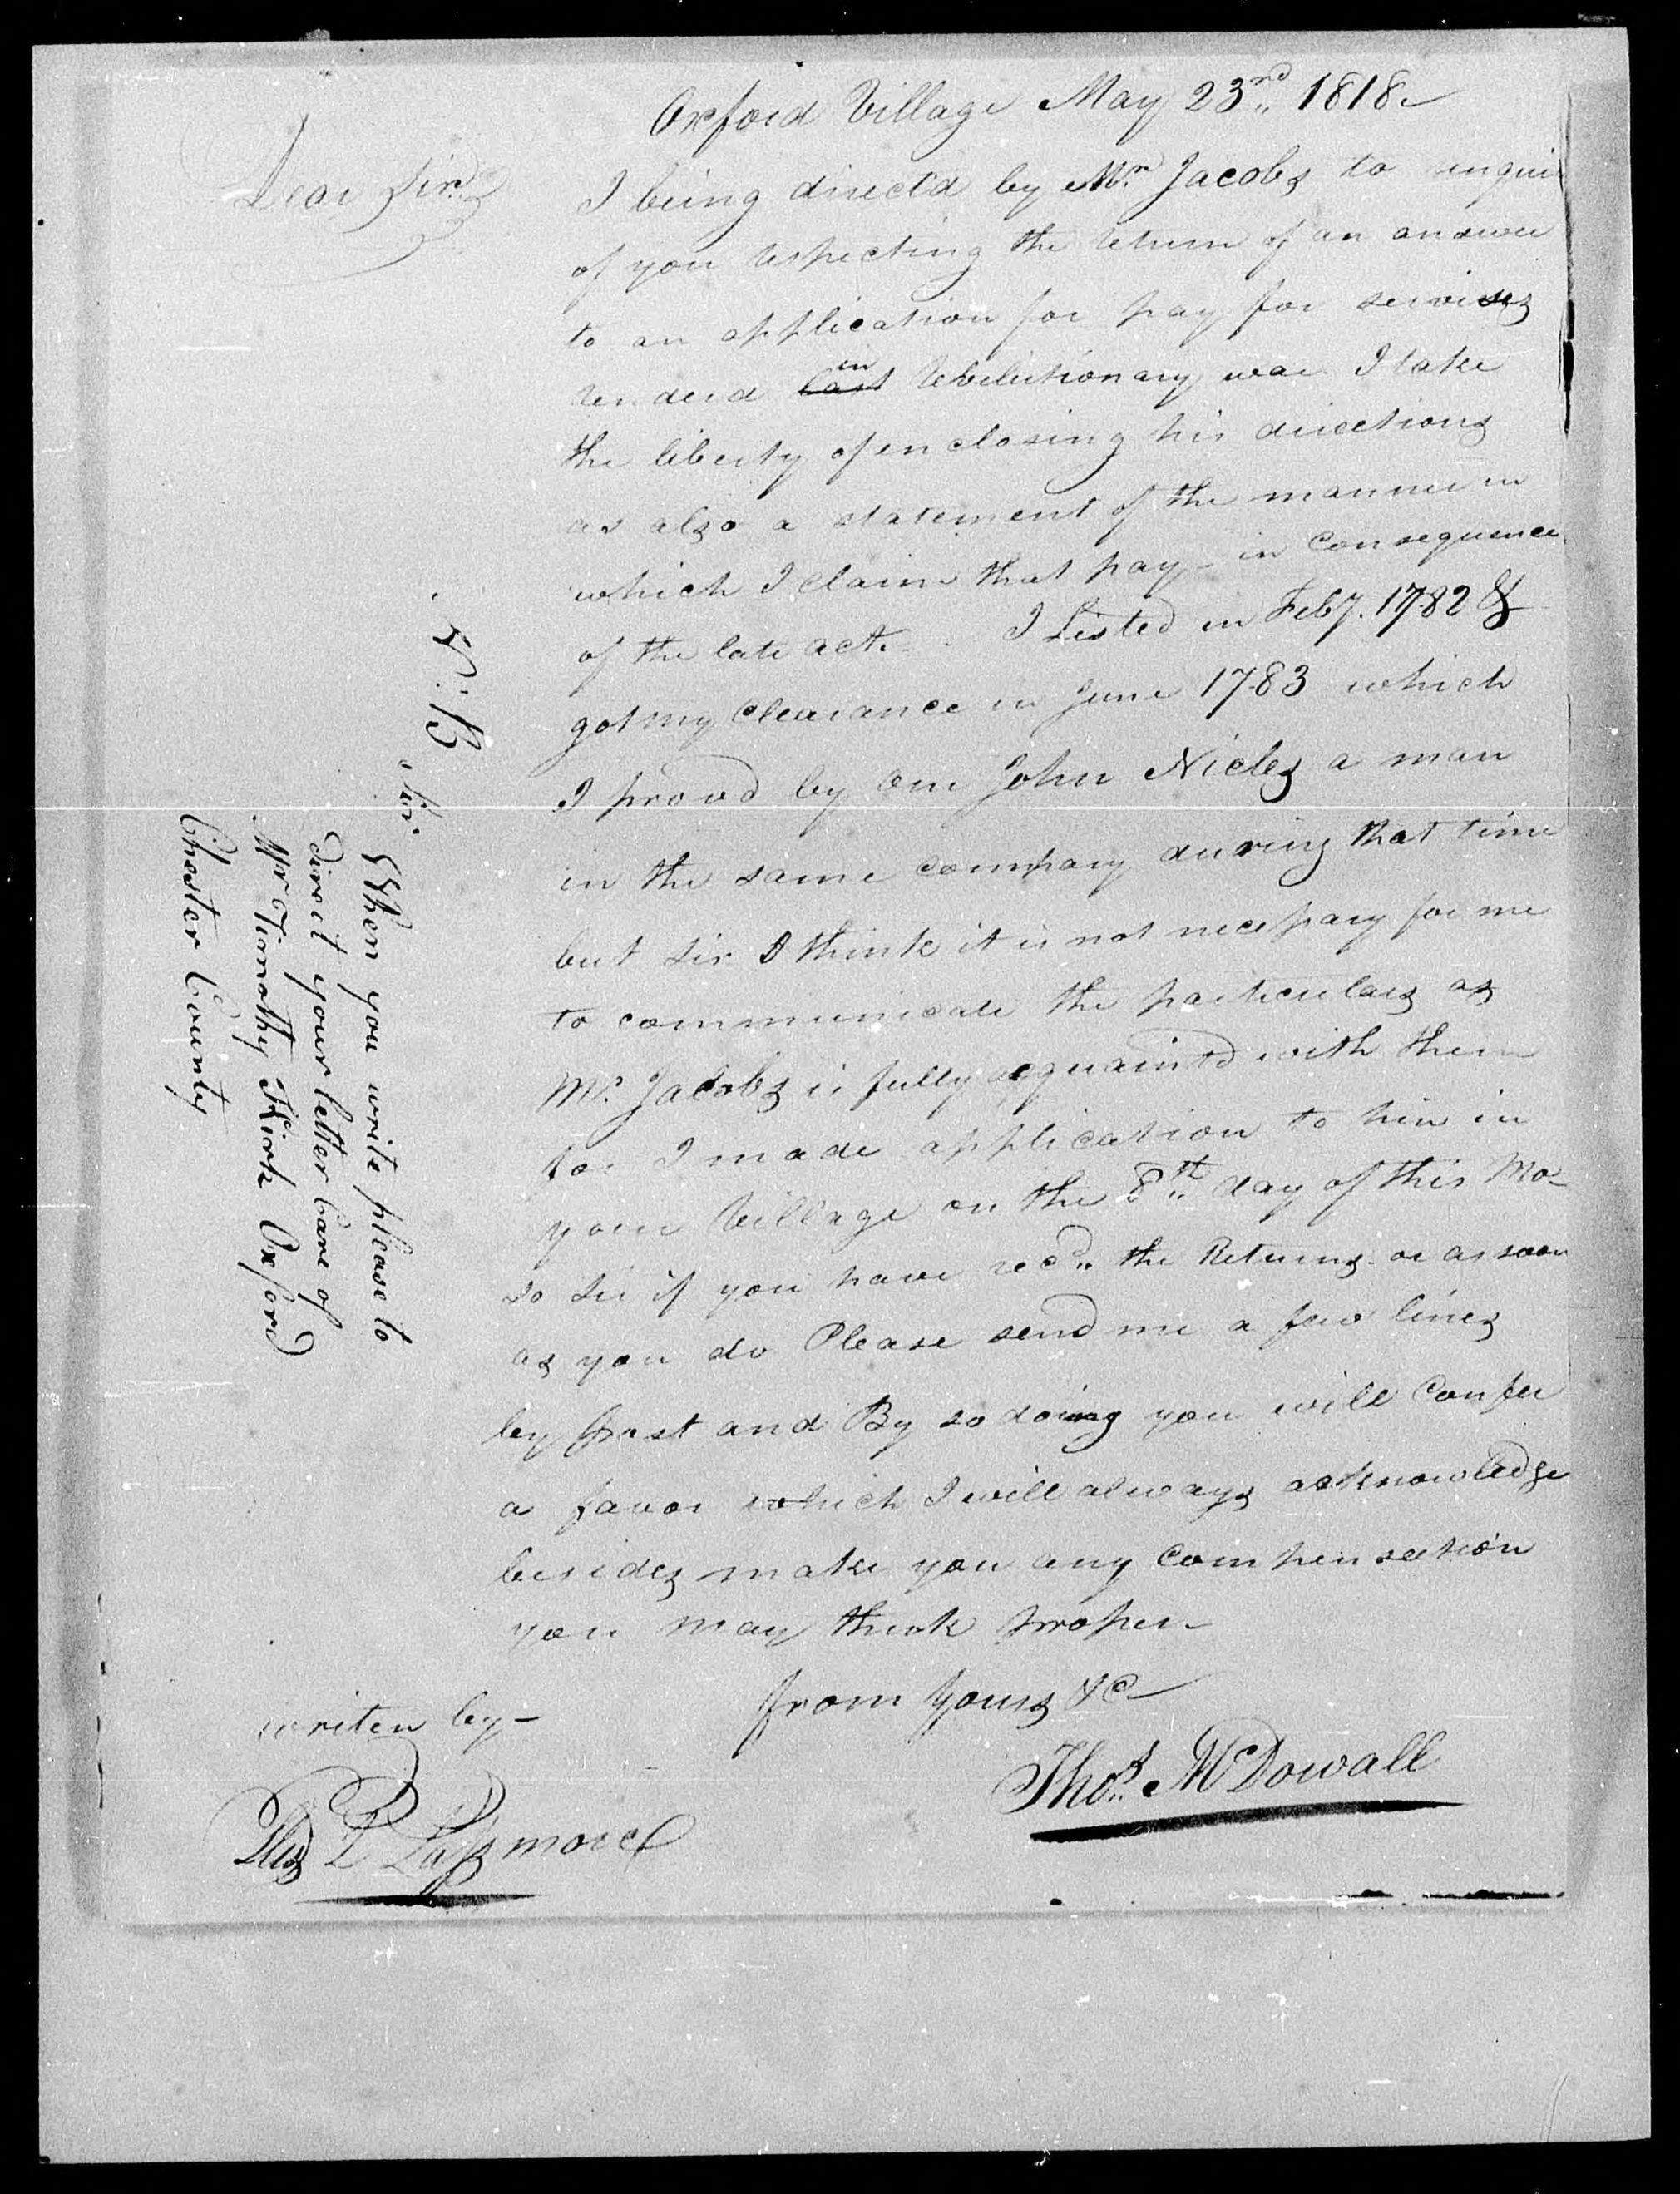Notation on left side of letter:

N : B
    Sir
When you write please to
Direct your letter Care of
Mr. Timothy Kirk Oxford
Chester County
__________________________________

    Oxford Village May 23rd 1818

Dear Sir:

I being directed by Mr. Jacobs to inquire of you respecting the return of an answer to an application for pay for services rendered in Revolutionary war I take the liberty of enclosing his directions as also a statement of the manner in which I claim that pay in consequence of the late act.  I listed in Feby. 1782 & got my clearance in June 1783 which I proved by one John Nicles a man in the same company during that time but I think it is not necessary for me to communicate the particulars as Mr. Jacobs is fully acquainted with them as I made application to him in your Village on the 8th day of this mo.  So Sir if you have recd. the Returns or as  soon as you do Please send me a few lines by post and By so doing you will confer a favor which I will always acknowledge besides make you any compensation you may think proper.
   from Yours &c
      Thos. McDowall
writen by -
Thos P Passmore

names: Timothy Kirk; Thos P Passmore; Thos Mc Dowell; John Nicles; [BLANK] Jacobs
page: 51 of 63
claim: widow's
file: W 2957, for Thomas Mc Dowell, Maryland